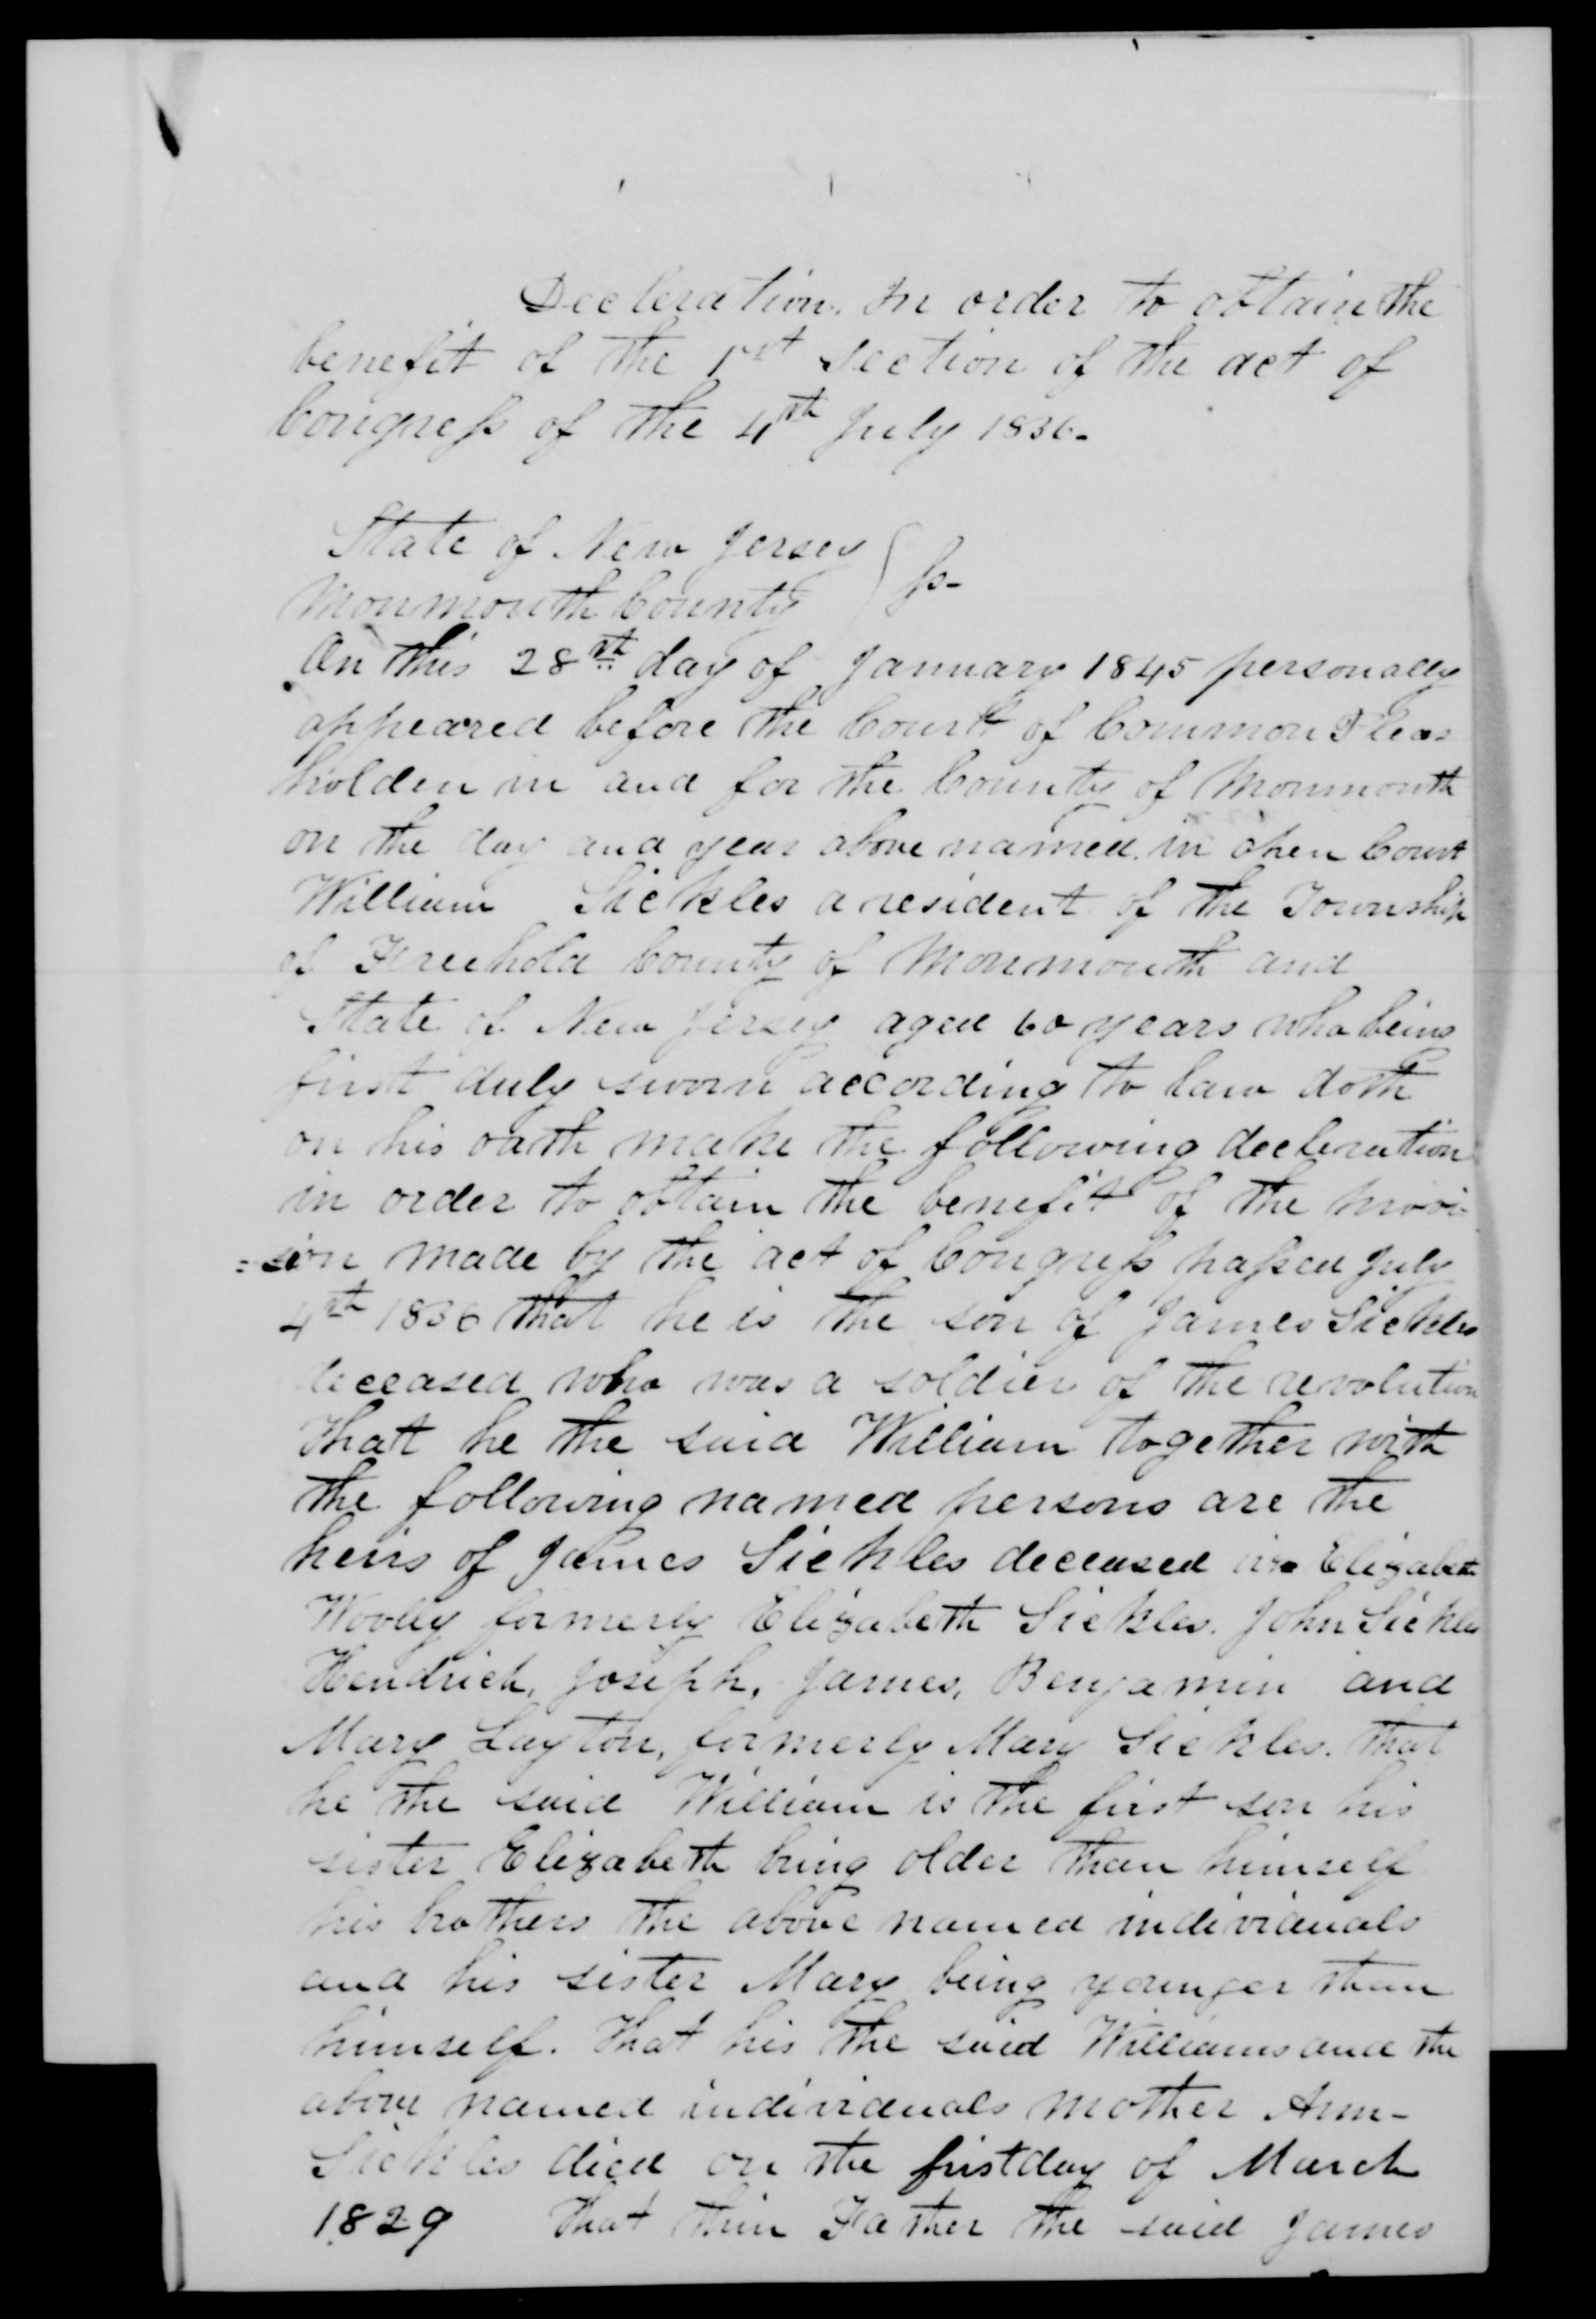Decleration In order to obtain the benefit of the 1st Section of the act of Congress of the 4th July 1836
State of New Jersey}
Monmouth County} Ss-
On this 28th day of January 1845 personally appeared before the Court of Common Pleas holden in and for the County of Monmouth on the day and year above named in open Court William Sickles a resident of the township of Freehold County of Monmouth and State of New Jersey aged 60 years who being first duly sworn according to law doth on this oath make the following decleration in order to obtain the benefit of the provision made by the act of Congress passed July 4th 1836 that he is the Son of James Sickles deceased who was a soldier of the revolution
That he the said William together with the following named persons are the heirs of James Sickles deceased viz. Elizabeth Woolley formerly Elizabeth Sickles, John Sickles, Hendrick, Joseph, James, Benjamin and Mary Layton, formerly Mary Sickles. that he the said William is the first son his sister Elizabeth being older than himself his brothers the above named individuals and his sister Mary being younger that himself. That his the said William and the above named individuals Mother Ann Sickles died on the first day of March 1829 That their Father the said James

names: Mary Sickles; James [BLANK]; James Layton; Ann Sickles; James Sickles; James Sickles; William Sickles; Benjamin Layton; Mary [BLANK]; John Sickles; [BLANK] Williams; Elizabeth [BLANK]; Elizabeth Woolly; Elizabeth Sickles; Mary Layton; William [BLANK]; William [BLANK]; Joseph Layton; Hendrich Layton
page: 4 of 33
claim: survivor's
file: S. 4,841, for James Sickles, New Jersey